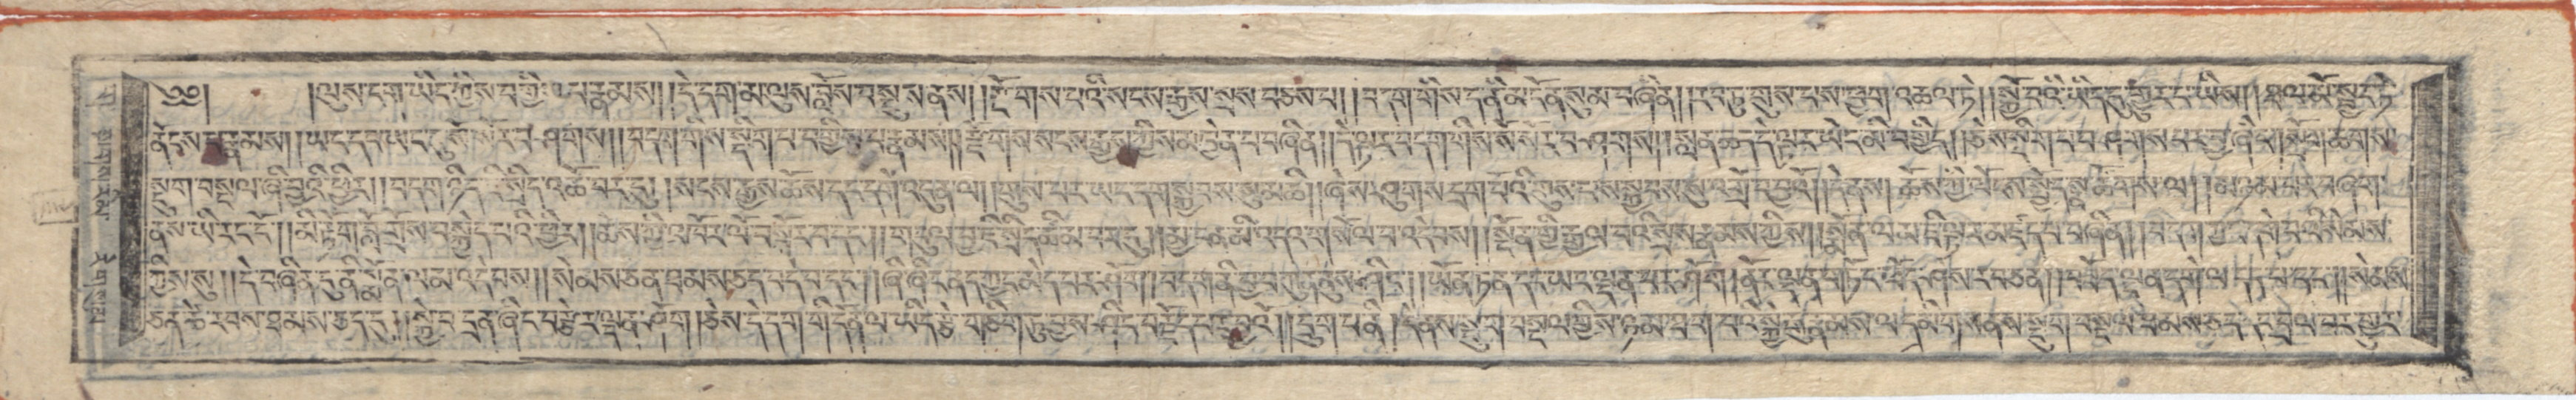༄༅། །ལུས་ངག་ཡིད་ཀྱིས་བགྱིས་པ་རྣམས། །དེ་དག་མ་ལུས་བློས་བསྡུས་ནས། །རྫོགས་པའི་སངས་རྒྱས་སྲས་བཅས་པ། །བདག་གིས་ད་ནི་མངོན་སུམ་བཞིན། །རབ་ཏུ་གུས་པས་ཕྱག་འཚལ་ཏེ། །སྐྱོ་བའི་ཡིད་དུ་གྱུར་པ་ཡིས། །ཐལ་མོ་སྦྱར་ཏེ་
ནོངས་པ་རྣམས། །ཡང་དང་ཡང་དུ་སོ་སོར་བཤགས། །བདག་གིས་སྡིག་པ་བགྱིས་པ་རྣམས། །རྫོགས་སངས་རྒྱས་ཀྱིས་མཁྱེན་པ་བཞིན། །དེ་ལྟར་བདག་གིས་སོ་སོར་བཤགས། །སླན་ཆད་དེ་ལྟར་ཡོང་མི་བགྱིད། །ཅེས་སྡིག་པ་བཤགས་པར་བྱ་ཞིང་། སྲོག་ཆགས་
སྡུག་བསྔལ་ཞི་བྱའི་ཕྱིར། །བདག་ཉིད་ཇི་སྲིད་འཚོ་བར་དུ། །སངས་རྒྱས་ཆོས་དང་དགེ་འདུན་ལ། །གུས་པར་ཡང་དག་སྐྱབས་སུ་མཆི། །ཞེས་ཤུགས་དྲག་པོའི་གུས་པས་སྐྱབས་སུ་འགྲོ་བ་བྱའོ། །དེ་ནས། ཆོས་ཀྱི་ལོངས་སྤྱོད་སྣ་ཚོགས་ལ། །མཉམ་པར་བཞག་
ནས་ཡི་རང་ངོ། །མི་རྟོག་བློ་གྲོས་བསྐྱེད་པའི་ཕྱིར། །ཆོས་ཀྱི་འཁོར་ལོ་བསྐོར་བ་དང་། །གདུལ་བྱ་ཇི་སྲིད་ཚིམ་བར་དུ། །མྱ་ངན་མི་འདའ་གསོལ་བ་འདེབས། །སྔོན་གྱི་རྒྱལ་བའི་སྲས་རྣམས་ཀྱིས། །སྨོན་ལམ་ཇི་ལྟར་མཛད་པ་བཞིན། །བདག་ཀྱང་དགེ་བའི་སེམས་
ཀྱིས་སུ། །དེ་བཞིན་དུ་ནི་སྨོན་ལམ་འདེབས། །སེམས་ཅན་ཐམས་ཅད་བདེ་བ་དང་། །ཞི་ཞིང་ནད་ཀྱང་མེད་པར་ཤོག །བདག་ནི་བྱ་བ་ཀུན་ནུས་ཤིང་། །ཡོན་ཏན་དང་ཡང་ལྡན་པར་ཤོག །ནོར་ལྡན་གཏོང་ཕོད་ཤེས་རབ་ཅན། །བཟོད་ལྡན་དགེ་ལ་དད་པ་དང་། །སེམས་
ཅན་ཚེ་རབས་ཐམས་ཅད་དུ། །སྐྱེ་བ་དྲན་ཞིང་བརྩེར་ལྡན་ཤོག །ཅེས་དེ་དག་གི་དོན་ལ་ཡིད་རྩེ་གཅིག་ཏུ་བྱས་ཤིང་བརྗོད་པར་བྱའོ། །དྲུག་པ་ནི། དེ་ནས་སྡུག་བསྔལ་གྱིས་ཉམ་ཐག་པའི་སྐྱེ་རྒྱུ་རྣམས་ལ་དམིགས་ནས་སྡུག་བསྔལ་ཐམས་ཅད་དང་བྲལ་བར་གྱུར་